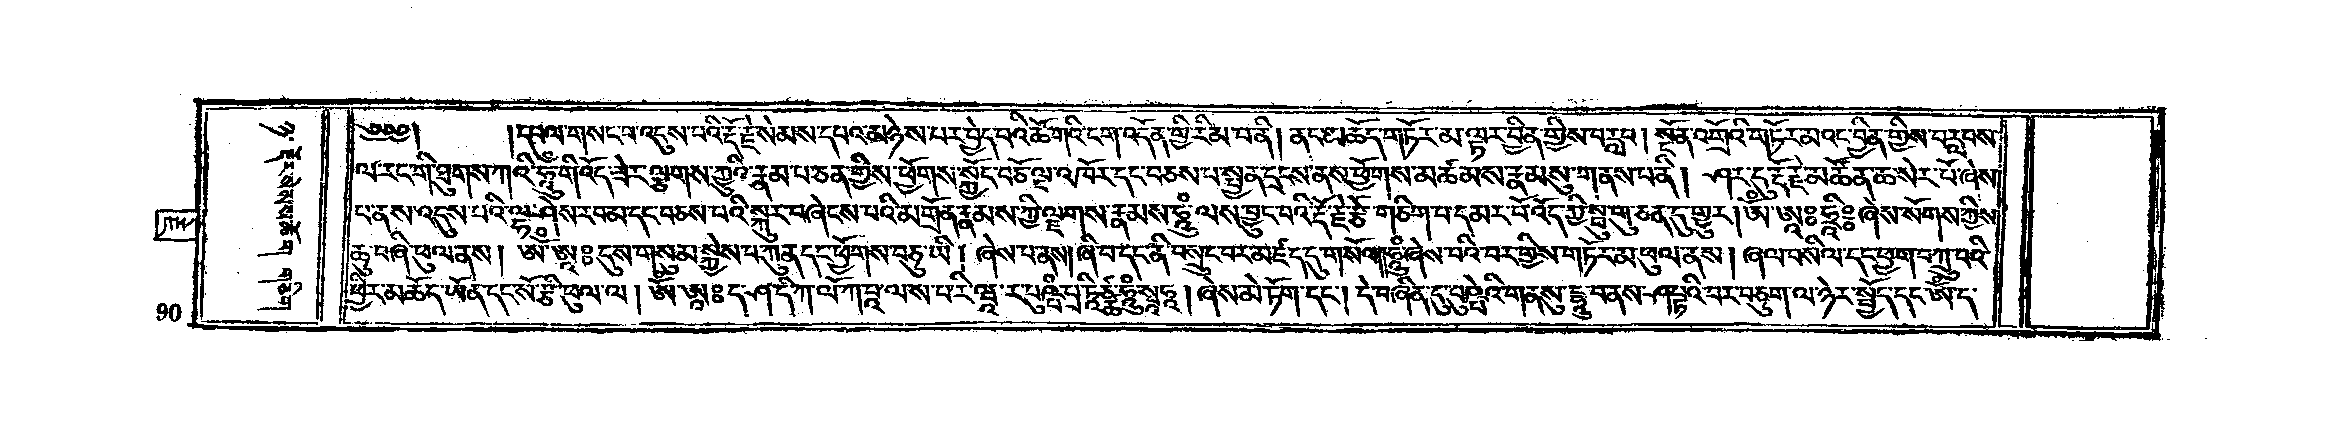༄༅། །དཔལ་གསང་བ་འདུས་པའི་རྡོ་རྗེ་སེམས་དཔའ་མཉེས་པར་བྱེད་པའི་ཆོ་གའི་ངག་འདོན་གྱི་རིམ་པ་ནི། ནང་མཆོད་གཏོར་མ་ལྟར་བྱིན་གྱིས་བརླབ། སྔོན་འགྲོའི་གཏོར་མའང་བྱིན་གྱིས་བརླབས་
ལ་རང་གི་ཐུགས་ཀའི་ཧཱུཾ་གི་འོད་ཟེར་ལྕགས་ཀྱུའི་རྣམ་པ་ཅན་གྱིས་ཕྱོགས་སྐྱོང་བཅོ་ལྔ་འཁོར་དང་བཅས་པ་སྤྱན་དྲངས་ནས་ཕྱོགས་མཚམས་རྣམས་སུ་གནས་པ་ནི། ཤར་དུ་རྡོ་རྗེ་མཚོན་ཆ་སེར་པོ་ཞེས་
པ་ནས་འདུས་པའི་ལྷ་ཤེས་རབ་མ་དང་བཅས་པའི་སྐུར་བཞེངས་པའི་མགྲོན་རྣམས་ཀྱི་ལྗགས་རྣམས་ཧཱུཾ་ལས་བྱུང་བའི་རྡོ་རྗེ་རྩེ་གཅིག་པ་དམར་པོ་འོད་ཀྱི་སྦུ་གུ་ཅན་དུ་གྱུར། ཨོཾ་ཨཱཿ ཧྲཱིཿ ཞེས་སོགས་ཀྱིས་
ཆུ་བཞི་ཕུལ་ནས། ཨོཾ་ཨཱཿ དུས་གསུམ་སྐྱེས་པ་ཀུན་དང་ཕྱོགས་བཅུ་ཡི། ཞེས་པ་ནས། ཞི་བ་དང་ནི་བསྲུང་བར་མཛད་དུ་གསོལ། །ཧཱུཾ་ཞེས་པའི་བར་གྱིས་གཏོར་མ་ཕུལ་ནས། ཞལ་བསིལ་དང་ཕྱག་བཀྲུ་བའི་
ཕྱིར་མཆོད་ཡོན་དང་སོ་རྩི་ཕུལ་ལ། ཨོཾ་ཨཱཿ ད་ཤ་དི་ཀ་ལོ་ཀ་པཱ་ལ་ས་པ་རི་ཝཱ་ར་པུཥཔཾ་པྲ་ཏཱི་ཙྪ་ཧཱུཾ་སྭཱཧཱ། ཞེས་མེ་ཏོག་དང་། དེ་བཞིན་དུ་པུཥྤེའི་གནས་སུ་དྷཱུ་བ་ནས་ཤཔྟའི་བར་བཅུག་ལ་ཉེར་སྤྱོད་དང་ཨོཾ་ད་